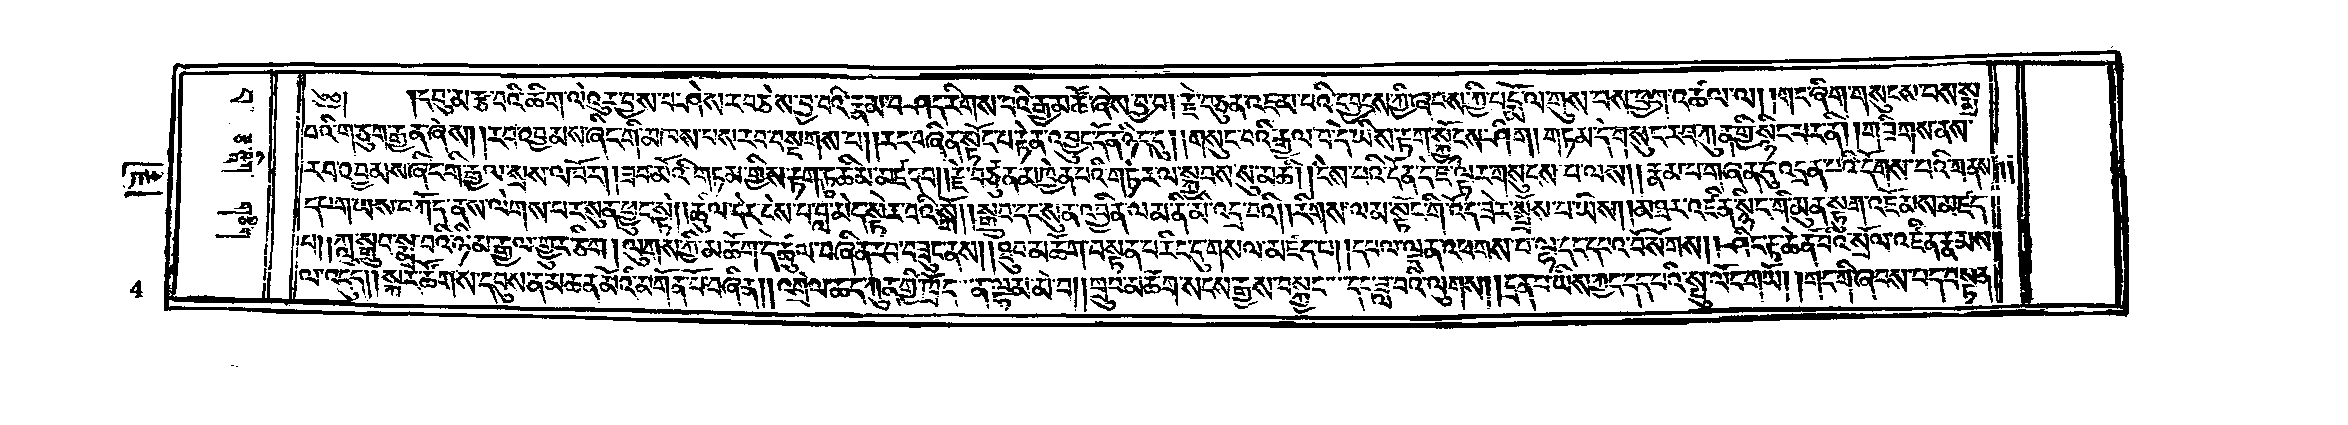༄༅། །དབུ་མ་རྩ་བའི་ཆིག་ལེའུར་བྱས་པ་ཤེས་རབ་ཅེས་བྱ་བའི་རྣམ་བཤད་རགས་པའི་རྒྱ་མཚོ་ཞས་བྱ་བ། རྗེ་བཙུན་འཇམ་པའི་དབྱངས་ཀྱི་ཞབས་ཀྱི་པདམོ་ལ་གུས་པས་ཕྱག་འཚལ་ལ། །གང་ཞིག་གསུང་པས་སླུ་
བའི་གཙུག་རྒྱན་ཞེས། །རབ་འབྱམས་ཞིང་གི་མཁས་པས་རབ་བསྔགས་པ། །རང་བཞིན་སྟེང་བརྟེན་འབྱུང་དོན་ཉིད་དུ། །གསུང་བའི་རྒྱལ་བདེ་ཡིས་རྟག་སྐྱོངས་ཤིག །གཏམ་དེ་གསུང་རབ་ཀུན་གྱི་སྙིང་པར་ནི། །གཟིགས་ནས་
རབ་འབྱམས་ཞིང་གི་རྒྱལ་སྲས་འཁོར། །ཟབ་མོའི་གཏམ་གྱིས་རྟག་ཏུ་ཆི་མ་མཛད་པ། །རྗེ་བཙུན་མཁྱེན་པའི་གཏེར་ལ་སྐྱབས་སུ་མཆི། །ངེས་པའི་དོན་དེ་ཇི་ལྟར་གསུངས་པ་ལས། །རྣམ་པ་གཞན་དུ་འདྲན་པའི་དོགས་པའི་གནས་
དཔག་ཡས་བཀོད་ནས་ལེགས་པར་སུན་ཕྱུང་སྟེ། །ཚུལ་དེར་ངེས་པ་བླ་མེད་སྟེར་པའི་སྒོ། །སྒྲུབ་དང་སུན་འབྱིན་ལམ་མི་མི་འདྲ་བའི། །རིགས་ལམ་སྟོང་གི་འོད་ཟེར་སྤྲོས་པ་ཡིས། །མཐར་འཛིན་སྙིང་གི་མུན་སྟུག་འཇོམས་མཛད་
པ། །ཀླུ་སྒྲུབ་སྨྲ་བའི་ཉི་མ་རྒྱལ་གྱུར་ཅིག །ལུགས་ཀྱི་མཆོག་དེ་ཚུལ་བཞིན་རབ་བཟུང་ནས། །ཐུབ་མཆོག་བསྟན་པ་རིང་དུ་གསལ་མཛད་པ། དཔལ་ལྡན་འཕགས་པ་ལྷ་དང་དཔའ་བོ་སོགས། །ཤིང་རྟ་ཆེན་པོའི་སྲོལ་འཛིན་རྣམས་
ལ་འདུད། །སྐར་ཚོགས་དབུས་ན་མཚན་མོའི་མགོན་པོ་བཞིན། །འགྲོལ་ཆད་ཀུན་གྱི་ཁྲོད་ན་ལྷམ་མ་བ། །གྲུབ་མཆོག་སངས་རྒྱས་བསྐྱང་དང་ཟླ་བའི་ལུགས། །དྲན་པ་ཡས་ཀྱང་དད་པའི་སྤུ་ལོང་གཡོ། །གང་གི་ཞབས་པད་བསྟན་